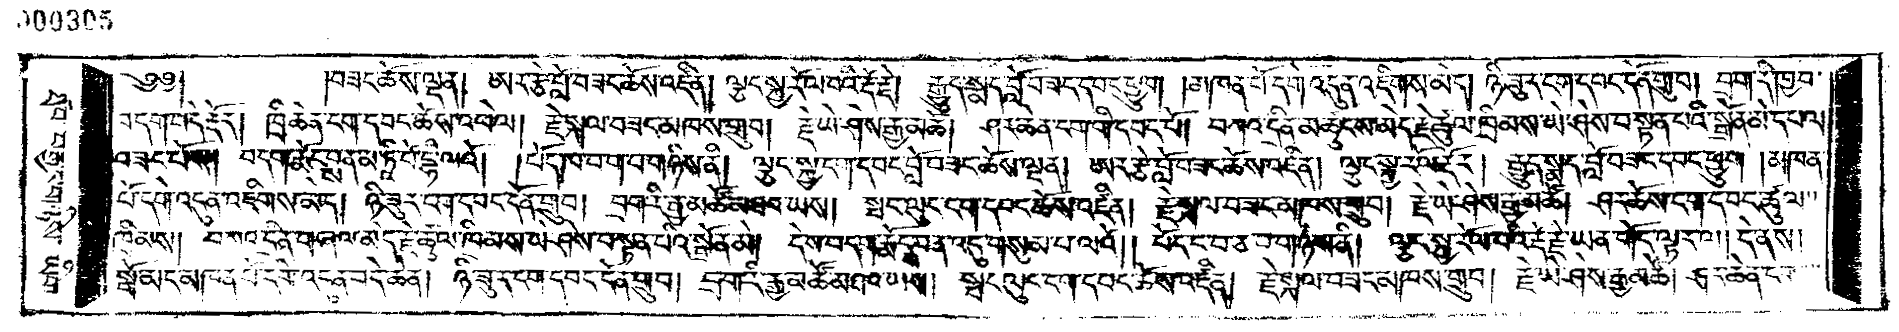༄༅། །བཟང་ཆོས་ལྡན། ཨར་རྩེ་བློ་བཟང་ཆོས་འཛིན། ལྕང་སྐྱ་རོལ་པའི་རྡོ་རྗེ། རྒྱུད་སྨད་བློ་བཟང་དབང་ཕྱུག །མཁན་པོ་དགེ་འདུན་འཇིགས་མེད། ཉི་ཟུར་ངག་དབང་དོན་གྲུབ། བྲག་རི་ཁྱབ་
བདག་བདེ་རྡོར། ཁྲི་ཆེན་ངག་དབང་ཆོས་འཕེལ། རྗེ་སྐལ་བཟང་མཁས་གྲུབ། རྗེ་ཡེ་ཤེས་རྒྱ་མཚོ། ཤར་ཆེན་ངག་གི་དབང་པོ། བཀའ་དྲིན་མཚུངས་མེད་རྗེ་ཚུལ་ཁྲིམས་ཡེ་ཤེས་བསྟན་པའི་སྒྲོན་མེ་དཔལ་
བཟང་པོས། བདག་རྨོངས་བན་མ་ཏཱི་པོ་དྷི་ལའོ། །པོད་ཁ་པ་ག་བ་གཉིས་ནི། ལྕང་སྐྱ་ངག་དབང་བློ་བཟང་ཆོས་ལྡན། ཨར་རྩེ་བློ་བཟང་ཆོས་འཛིན། ལྕང་སྐྱ་རོལ་རྡོར། རྒྱུད་སྨད་བློ་བཟང་དབང་ཕྱུག །མཁན་
པོ་དགེ་འདུན་འཇིགས་མེད། ཉི་ཟུར་ངག་དབང་དོན་གྲུབ། བྲག་རི་རྒྱ་མཚོ་མཐའ་ཡས། སྤང་ལུང་ངག་དབང་ཆོས་འཛིན། རྗེ་སྐལ་བཟང་མཁས་གྲུབ། རྗེ་ཡེ་ཤེས་རྒྱ་མཚོ། ཤར་ཆོས་ངག་དབང་ཚུལ་
ཁྲིམས། བཀའ་དྲིན་གཞལ་མེད་རྗེ་ཚུལ་ཁྲིམས་ཡེ་ཤེས་བསྟན་པའི་སྒྲོན་མེ། དེས་བདག་རྨོངས་བན་འདུ་གསུམ་པ་ལའོ། །པོད་ང་པ་ཅ་པ་གཉིས་ནི། ལྕང་སྐྱ་རོལ་བའི་རྡོ་རྗེ་ཡན་གོང་ལྟར་ལ། དེ་ནས།
སྒོ་མང་མཁན་པོ་དགེ་འདུན་བདེ་ཆེན། ཉི་ཟུར་ངག་དབང་དོན་གྲུབ། བྲག་རི་རྒྱ་མཚོ་མཐའ་ཡས། སྤང་ལུང་ངག་དབང་ཆོས་འཛིན། རྗེ་སྐལ་བཟང་མཁས་གྲུབ། རྗེ་ཡེ་ཤེས་རྒྱ་མཚོ། ཤར་ཆེན་ངག་